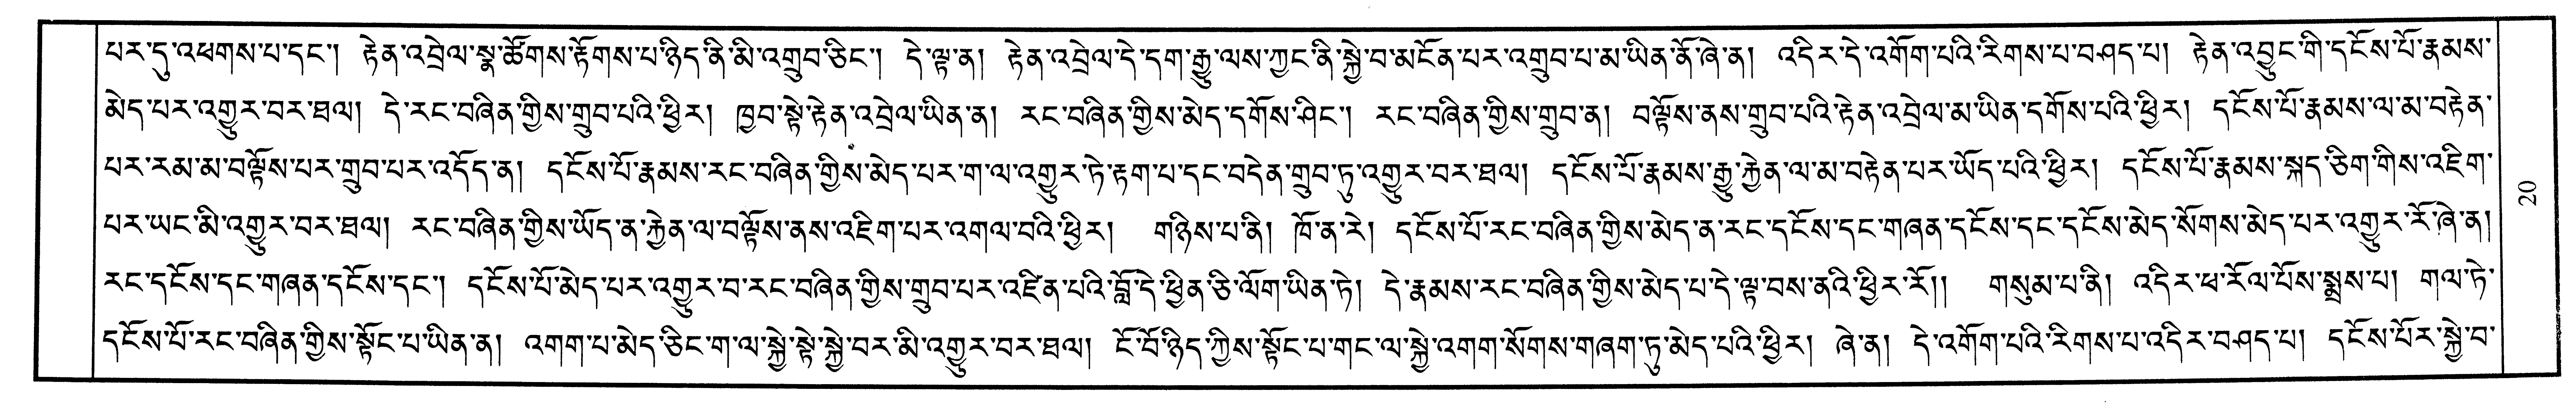པར་དུ་འཕགས་པ་དང་། རྟེན་འབྲེལ་སྣ་ཚོགས་རྟོགས་པ་ཉིད་ནི་མི་འགྲུབ་ཅིང་། དེ་ལྟ་ན། རྟེན་འབྲེལ་དེ་དག་རྒྱུ་ལས་ཀྱང་ནི་སྐྱེ་བ་མངོན་པར་འགྲུབ་པ་མ་ཡིན་ནོ་ཞེ་ན། འདིར་དེ་འགོག་པའི་རིགས་པ་བཤད་པ། རྟེན་འབྱུང་གི་དངོས་པོ་རྣམས་
མེད་པར་འགྱུར་བར་ཐལ། དེ་རང་བཞིན་གྱིས་གྲུབ་པའི་ཕྱིར། ཁྱབ་སྟེ་རྟེན་འབྲེལ་ཡིན་ན། རང་བཞིན་གྱིས་མེད་དགོས་ཤིང་། རང་བཞིན་གྱིས་གྲུབ་ན། བལྟོས་ནས་གྲུབ་པའི་རྟེན་འབྲེལ་མ་ཡིན་དགོས་པའི་ཕྱིར། དངོས་པོ་རྣམས་ལ་མ་བརྟེན་
པར་རམ་མ་བལྟོས་པར་གྲུབ་པར་འདོད་ན། དངོས་པོ་རྣམས་རང་བཞིན་གྱིས་མེད་པར་ག་ལ་འགྱུར་ཏེ་རྟག་པ་དང་བདེན་གྲུབ་ཏུ་འགྱུར་བར་ཐལ། དངོས་པོ་རྣམས་རྒྱུ་རྐྱེན་ལ་མ་བརྟེན་པར་ཡོད་པའི་ཕྱིར། དངོས་པོ་རྣམས་སྐད་ཅིག་གིས་འཇིག་
པར་ཡང་མི་འགྱུར་བར་ཐལ། རང་བཞིན་གྱིས་ཡོད་ན་རྐྱེན་ལ་བལྟོས་ནས་འཇིག་པར་འགལ་བའི་ཕྱིར། གཉིས་པ་ནི། ཁོ་ན་རེ། དངོས་པོ་རང་བཞིན་གྱིས་མེད་ན་རང་དངོས་དང་གཞན་དངོས་དང་དངོས་མེད་སོགས་མེད་པར་འགྱུར་རོ་ཞེ་ན།
རང་དངོས་དང་གཞན་དངོས་དང་། དངོས་པོ་མེད་པར་འགྱུར་བ་རང་བཞིན་གྱིས་གྲུབ་པར་འཛིན་པའི་བློ་དེ་ཕྱིན་ཅི་ལོག་ཡིན་ཏེ། དེ་རྣམས་རང་བཞིན་གྱིས་མེད་པ་དེ་ལྟ་བས་ནའི་ཕྱིར་རོ།། གསུམ་པ་ནི། འདིར་ཕ་རོལ་པོས་སྨྲས་པ། གལ་ཏེ་
དངོས་པོ་རང་བཞིན་གྱིས་སྟོང་པ་ཡིན་ན། འགག་པ་མེད་ཅིང་ག་ལ་སྐྱེ་སྟེ་སྐྱེ་བར་མི་འགྱུར་བར་ཐལ། ངོ་བོ་ཉིད་ཀྱིས་སྟོང་པ་གང་ལ་སྐྱེ་འགག་སོགས་གཞག་ཏུ་མེད་པའི་ཕྱིར། ཞེ་ན། དེ་འགོག་པའི་རིགས་པ་འདིར་བཤད་པ། དངོས་པོར་སྐྱེ་བ་